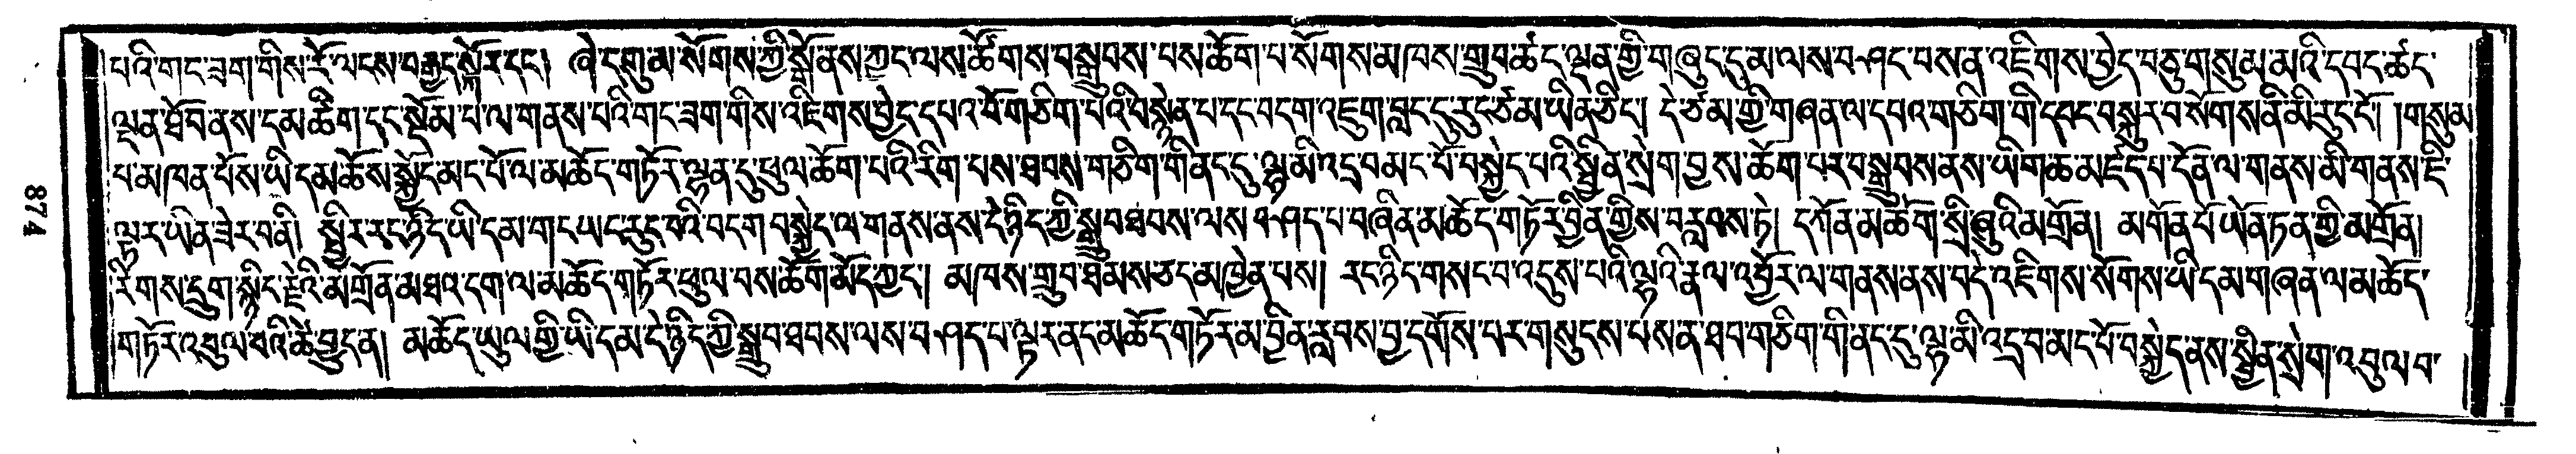པའི་གང་ཟག་གིས་རོ་ལངས་བརྒྱད་སྐོར་དང་། ཞེ་དགུ་མ་སོགས་ཀྱི་སྒོ་ནས་ཀྱང་ལས་ཚོགས་བསྒྲུབས་པས་ཆོག་པ་སོགས་མཁས་གྲུབ་ཚང་ལྡན་གྱི་གཞུང་དུ་མ་ལས་བཤད་པས་ན་འཇིགས་བྱེད་བཅུ་གསུམ་མའི་དབང་ཚད་
ལྡན་ཐོབ་ནས་དམ་ཚིག་དང་སྡོམ་པ་ལ་གནས་པའི་གང་ཟག་གིས་འཇིགས་བྱེད་དཔའ་བོ་གཅིག་པའི་བསྙེན་པ་དང་བདག་འཇུག་བླང་དུ་རུང་ཙམ་ཡིན་ཅིང་། དེ་ཙམ་གྱི་གཞན་ལ་དཔའ་གཅིག་གི་དབང་བསྐུར་བ་སོགས་ནི་མི་རུང་ངོ། །གསུམ་
པ་མཁན་པོས་ཡི་དམ་ཆོས་སྐྱོང་མང་པོ་ལ་མཆོད་གཏོར་ལྷན་དུ་ཕུལ་ཆོག་པའི་རིག་པས་ཐབས་གཅིག་གི་ནང་དུ་ལྷ་མི་འདྲ་བ་མང་པོ་བསྐྱེད་པའི་སྦྱིན་སྲེག་བྱས་ཆོག་པར་བསྒྲུབས་ནས་ཡིག་ཆ་མཛད་པ་དོན་ལ་གནས་མི་གནས་ཇི་
ལྟར་ཡིན་ཟེར་བ་ནི། སྤྱིར་རང་ཉིད་ཡི་དམ་གང་ཡང་རུང་བའི་བདག་བསྐྱེད་ལ་གནས་ནས་དེ་ཉིད་ཀྱི་སྒྲུབ་ཐབས་ལས་བཤད་པ་བཞིན་མཆོད་གཏོར་བྱིན་གྱིས་བརླབས་ཏེ། དཀོན་མཆོག་སྲི་ཞུའི་མགྲོན། མགོན་པོ་ཡོན་ཏན་གྱི་མགྲོན།
རིགས་དྲུག་སྙིང་རྗེའི་མགྲོན་མཐའ་དག་ལ་མཆོད་གཏོར་ཕུལ་བས་ཆོག་མོད་ཀྱང་། མཁས་གྲུབ་ཐམས་ཅད་མཁྱེན་པས། རང་ཉིད་གསང་བ་འདུས་པའི་ལྷའི་རྣལ་འབྱོར་ལ་གནས་ནས་བདེ་འཇིགས་སོགས་ཡི་དམ་གཞན་ལ་མཆོད་
གཏོར་འབུལ་བའི་ཚེ་བྱུང་ན། མཆོད་ཡུལ་གྱི་ཡི་དམ་དེ་ཉིད་ཀྱི་སྒྲུབ་ཐབས་ལས་བཤད་པ་ལྟར་ནང་མཆོད་གཏོར་མ་བྱིན་རླབས་བྱ་དགོས་པར་གསུངས་པས་ན་ཐབ་གཅིག་གི་ནང་དུ་ལྷ་མི་འདྲ་བ་མང་པོ་བསྐྱེད་ནས་སྦྱིན་སྲེག་འབུལ་བ་